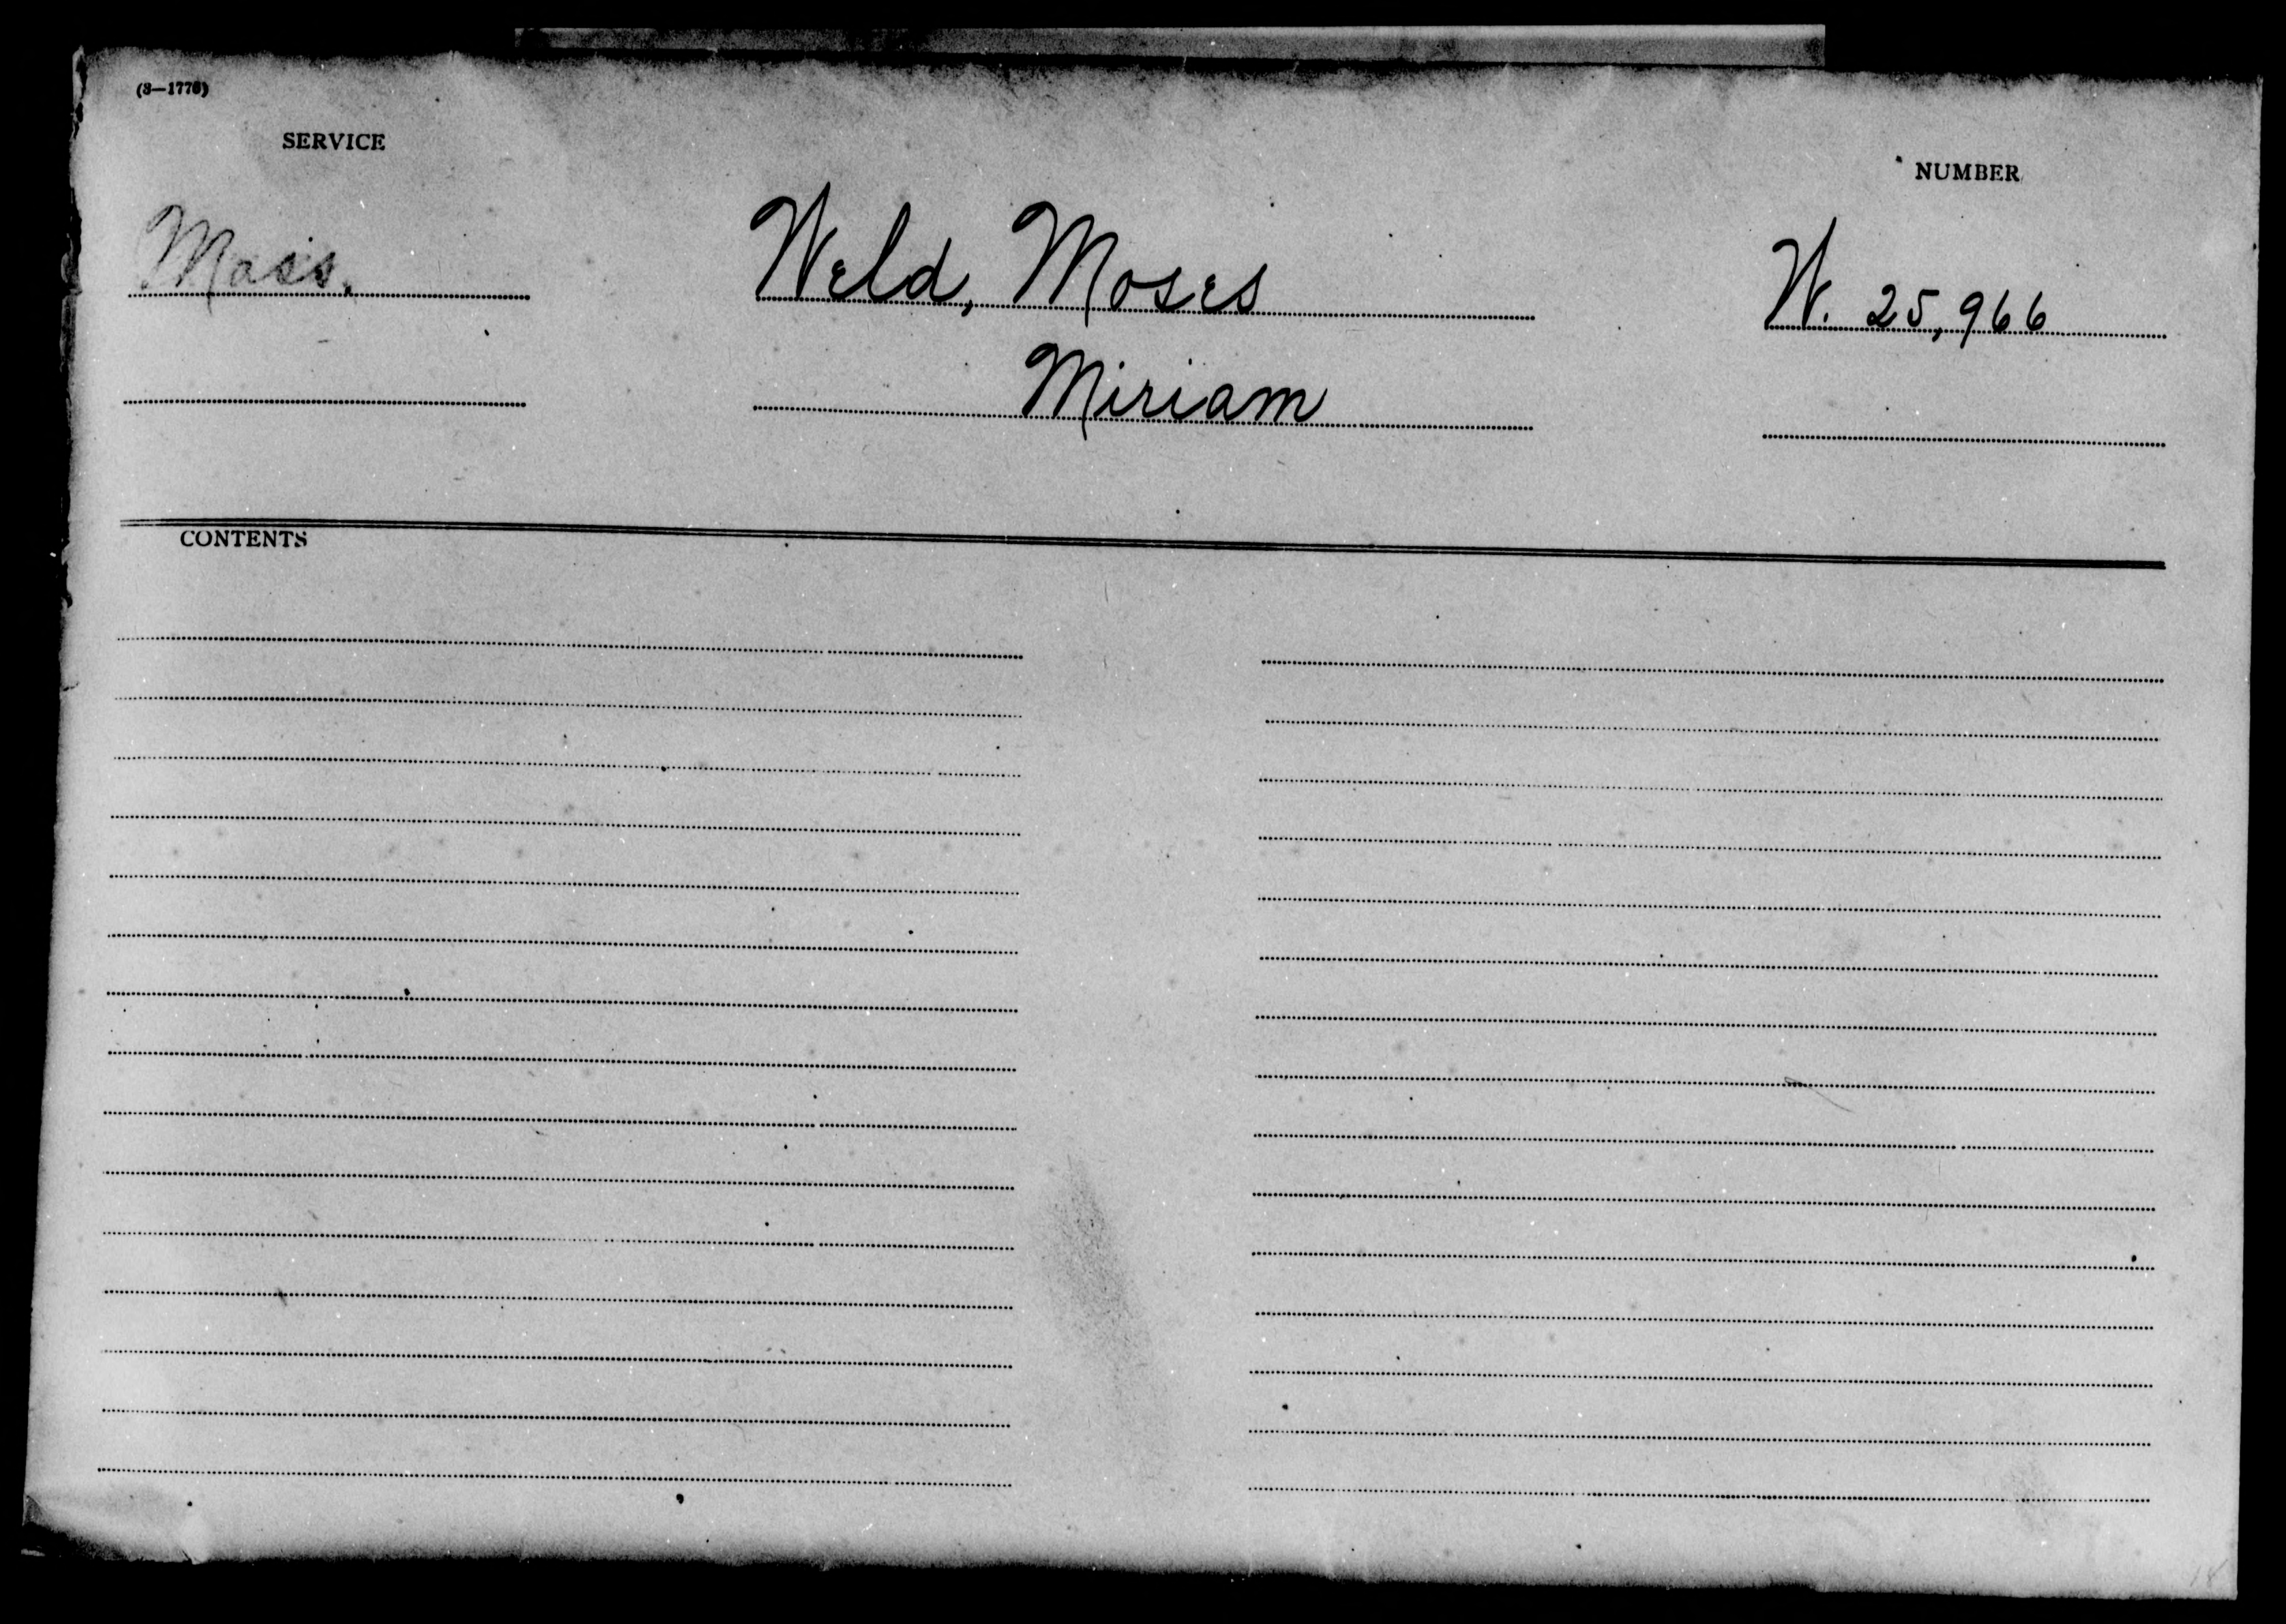Mass.
Weld, Moses
Miriam
Number W. 25966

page: 1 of 87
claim: widow's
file: W. 25,966, Moses Weld, Mass.